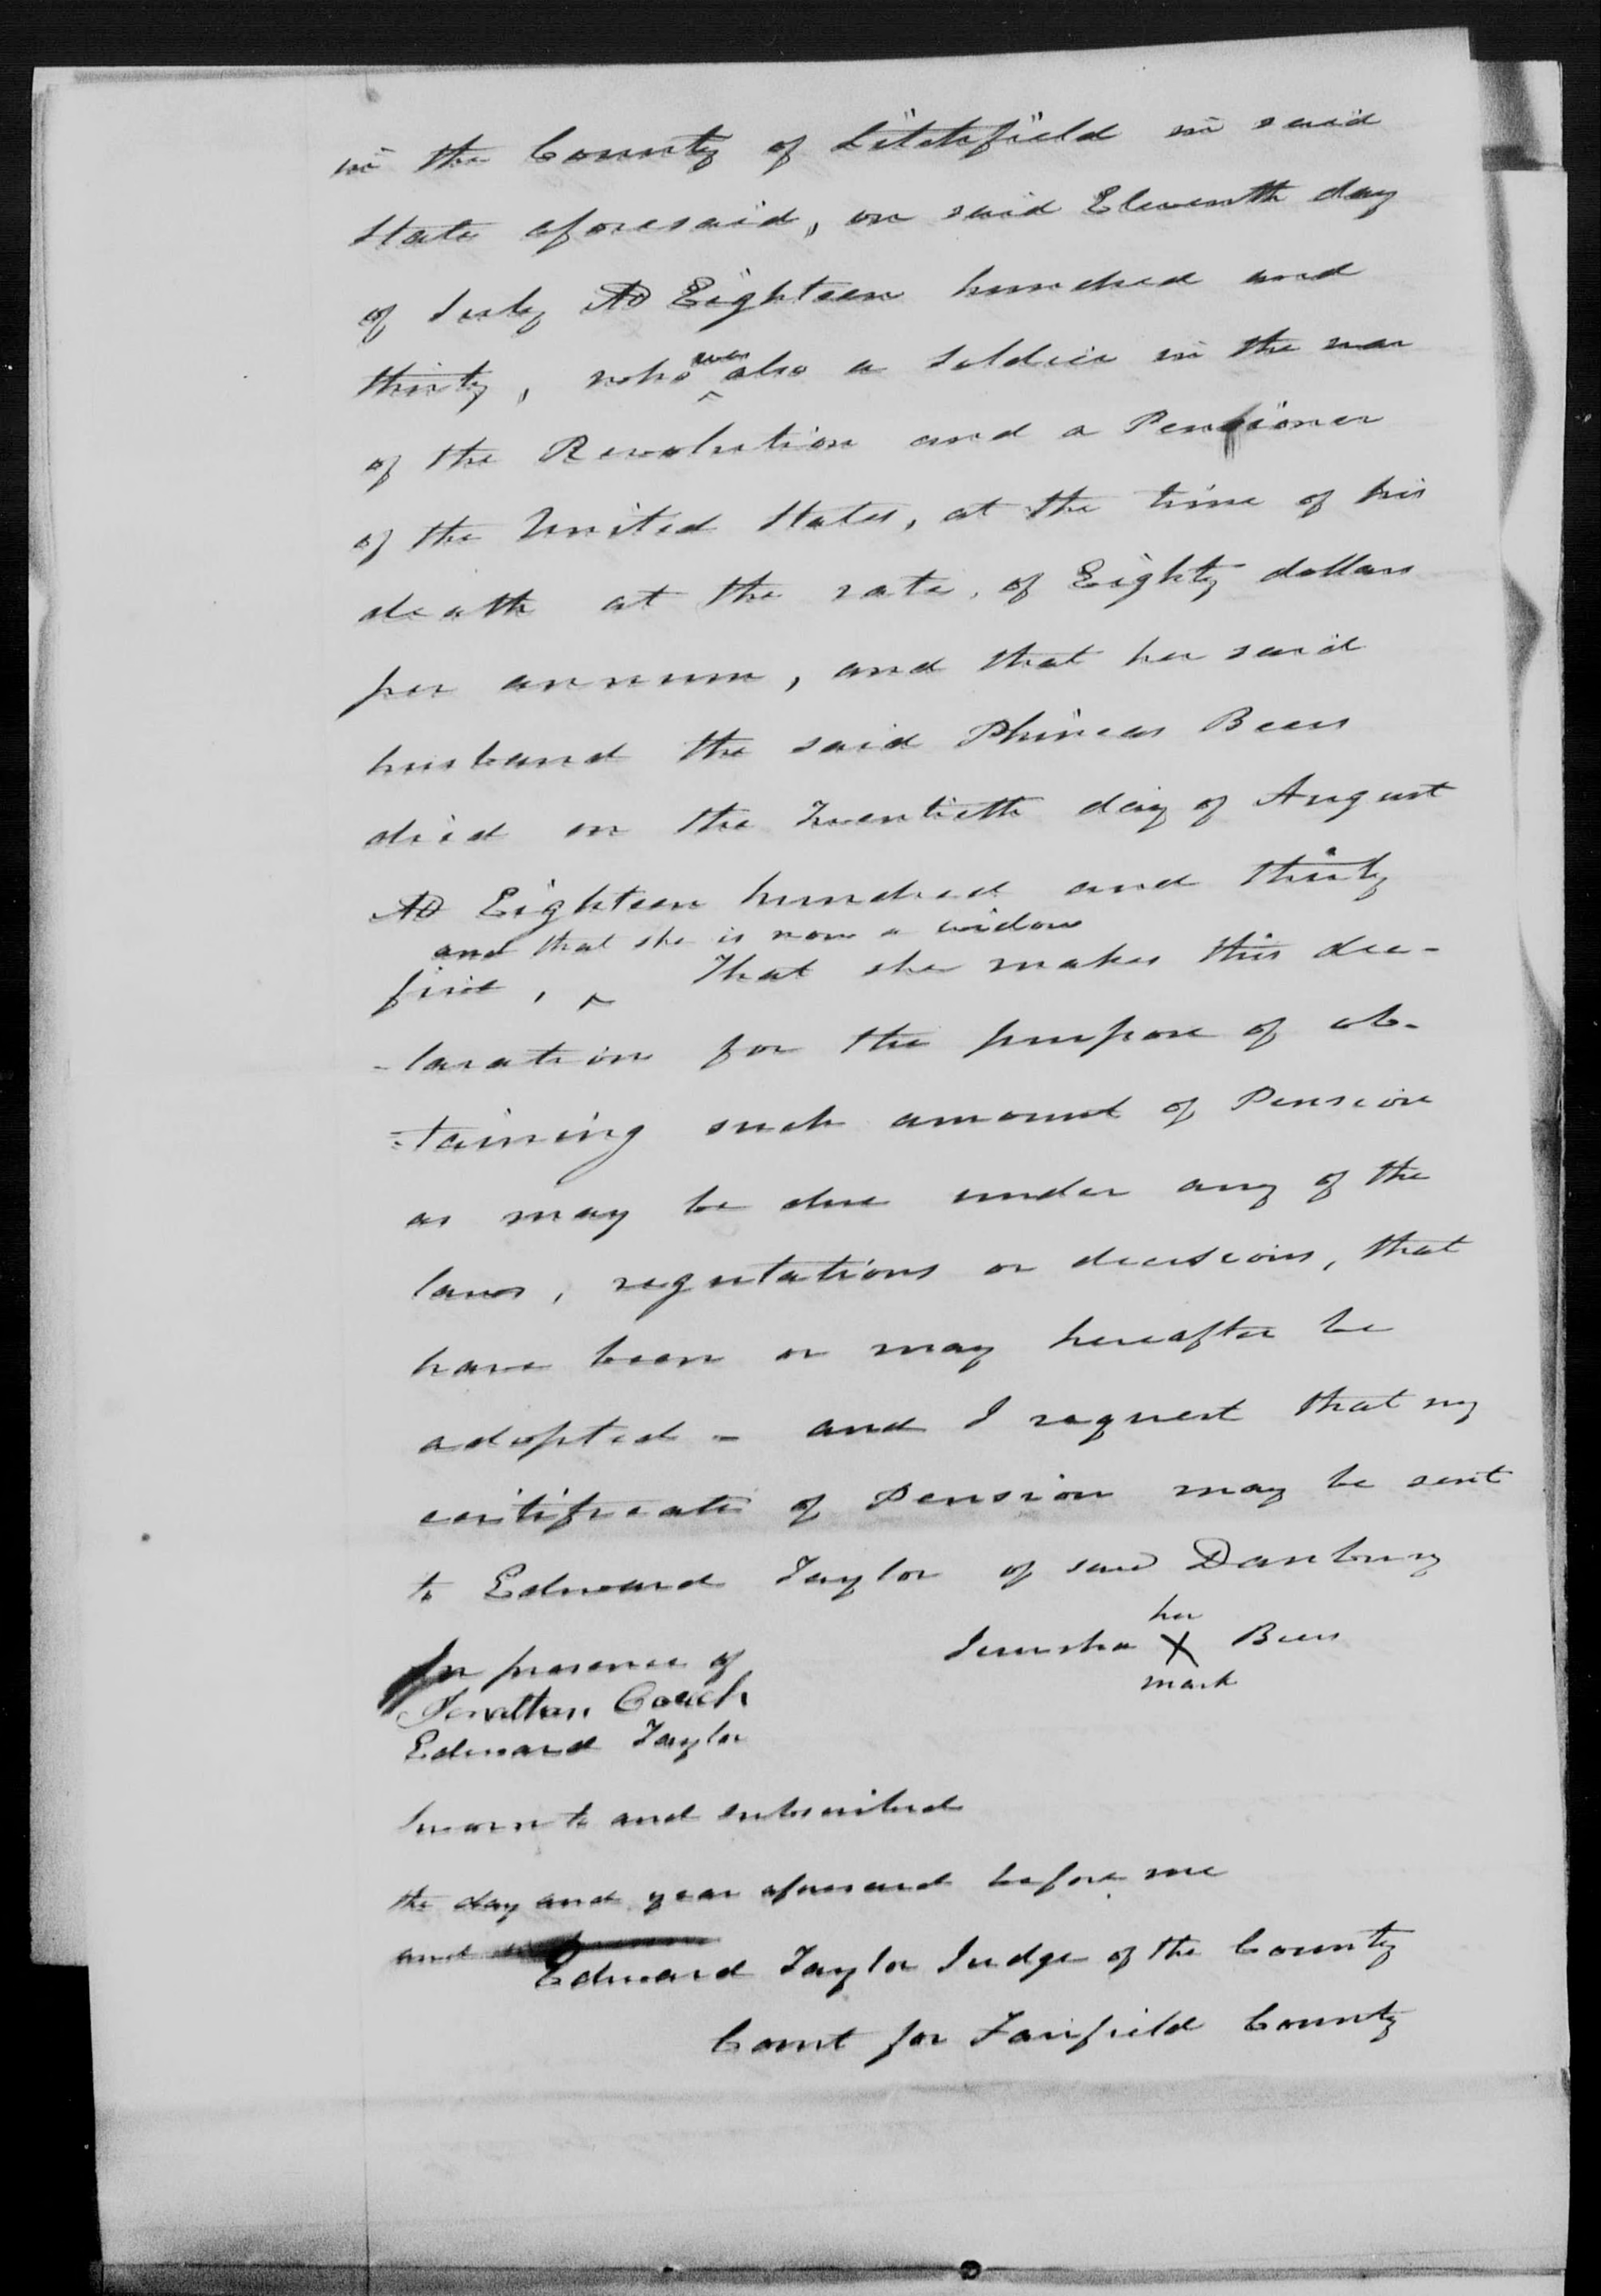in the County of Litchfield in said State aforesaid, in said Eleventh day of July AD Eighteen hundred and thirty, who was also a soldier in the war of the Revolution and a Pensioner of the United States, at the time of his death at the rate of Eighty dollars per annum, and that her said husband the said Phineas Beers died on the Twentieth day of August AD Eighteen hundred and thirty and that she is now a widow. First That she makes this declaration for the purpose of obtaining such amount of Pension as may be due under any of the laws, regulations or decisions, that have been or may hereafter be adopted-- and I request that my certificate of Pension may be sent to Edward Taylor of said Danbury.
 her mark X Jerusha Beers 
In Presence of Jonathan Couch 
Edward Taylor 

Sworn to and subscribed the day and year aforesaid before me Edward Taylor Judge of the County Court for Fairfield County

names: Edward Taylor, Jonathan Couch, Edward Taylor, Edward Taylor, Jerusha Beers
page: 17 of 39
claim: widow's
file: W. 2,056, Squire Ambler, Continental (Sol. Res. In N.Y. & Conn.)